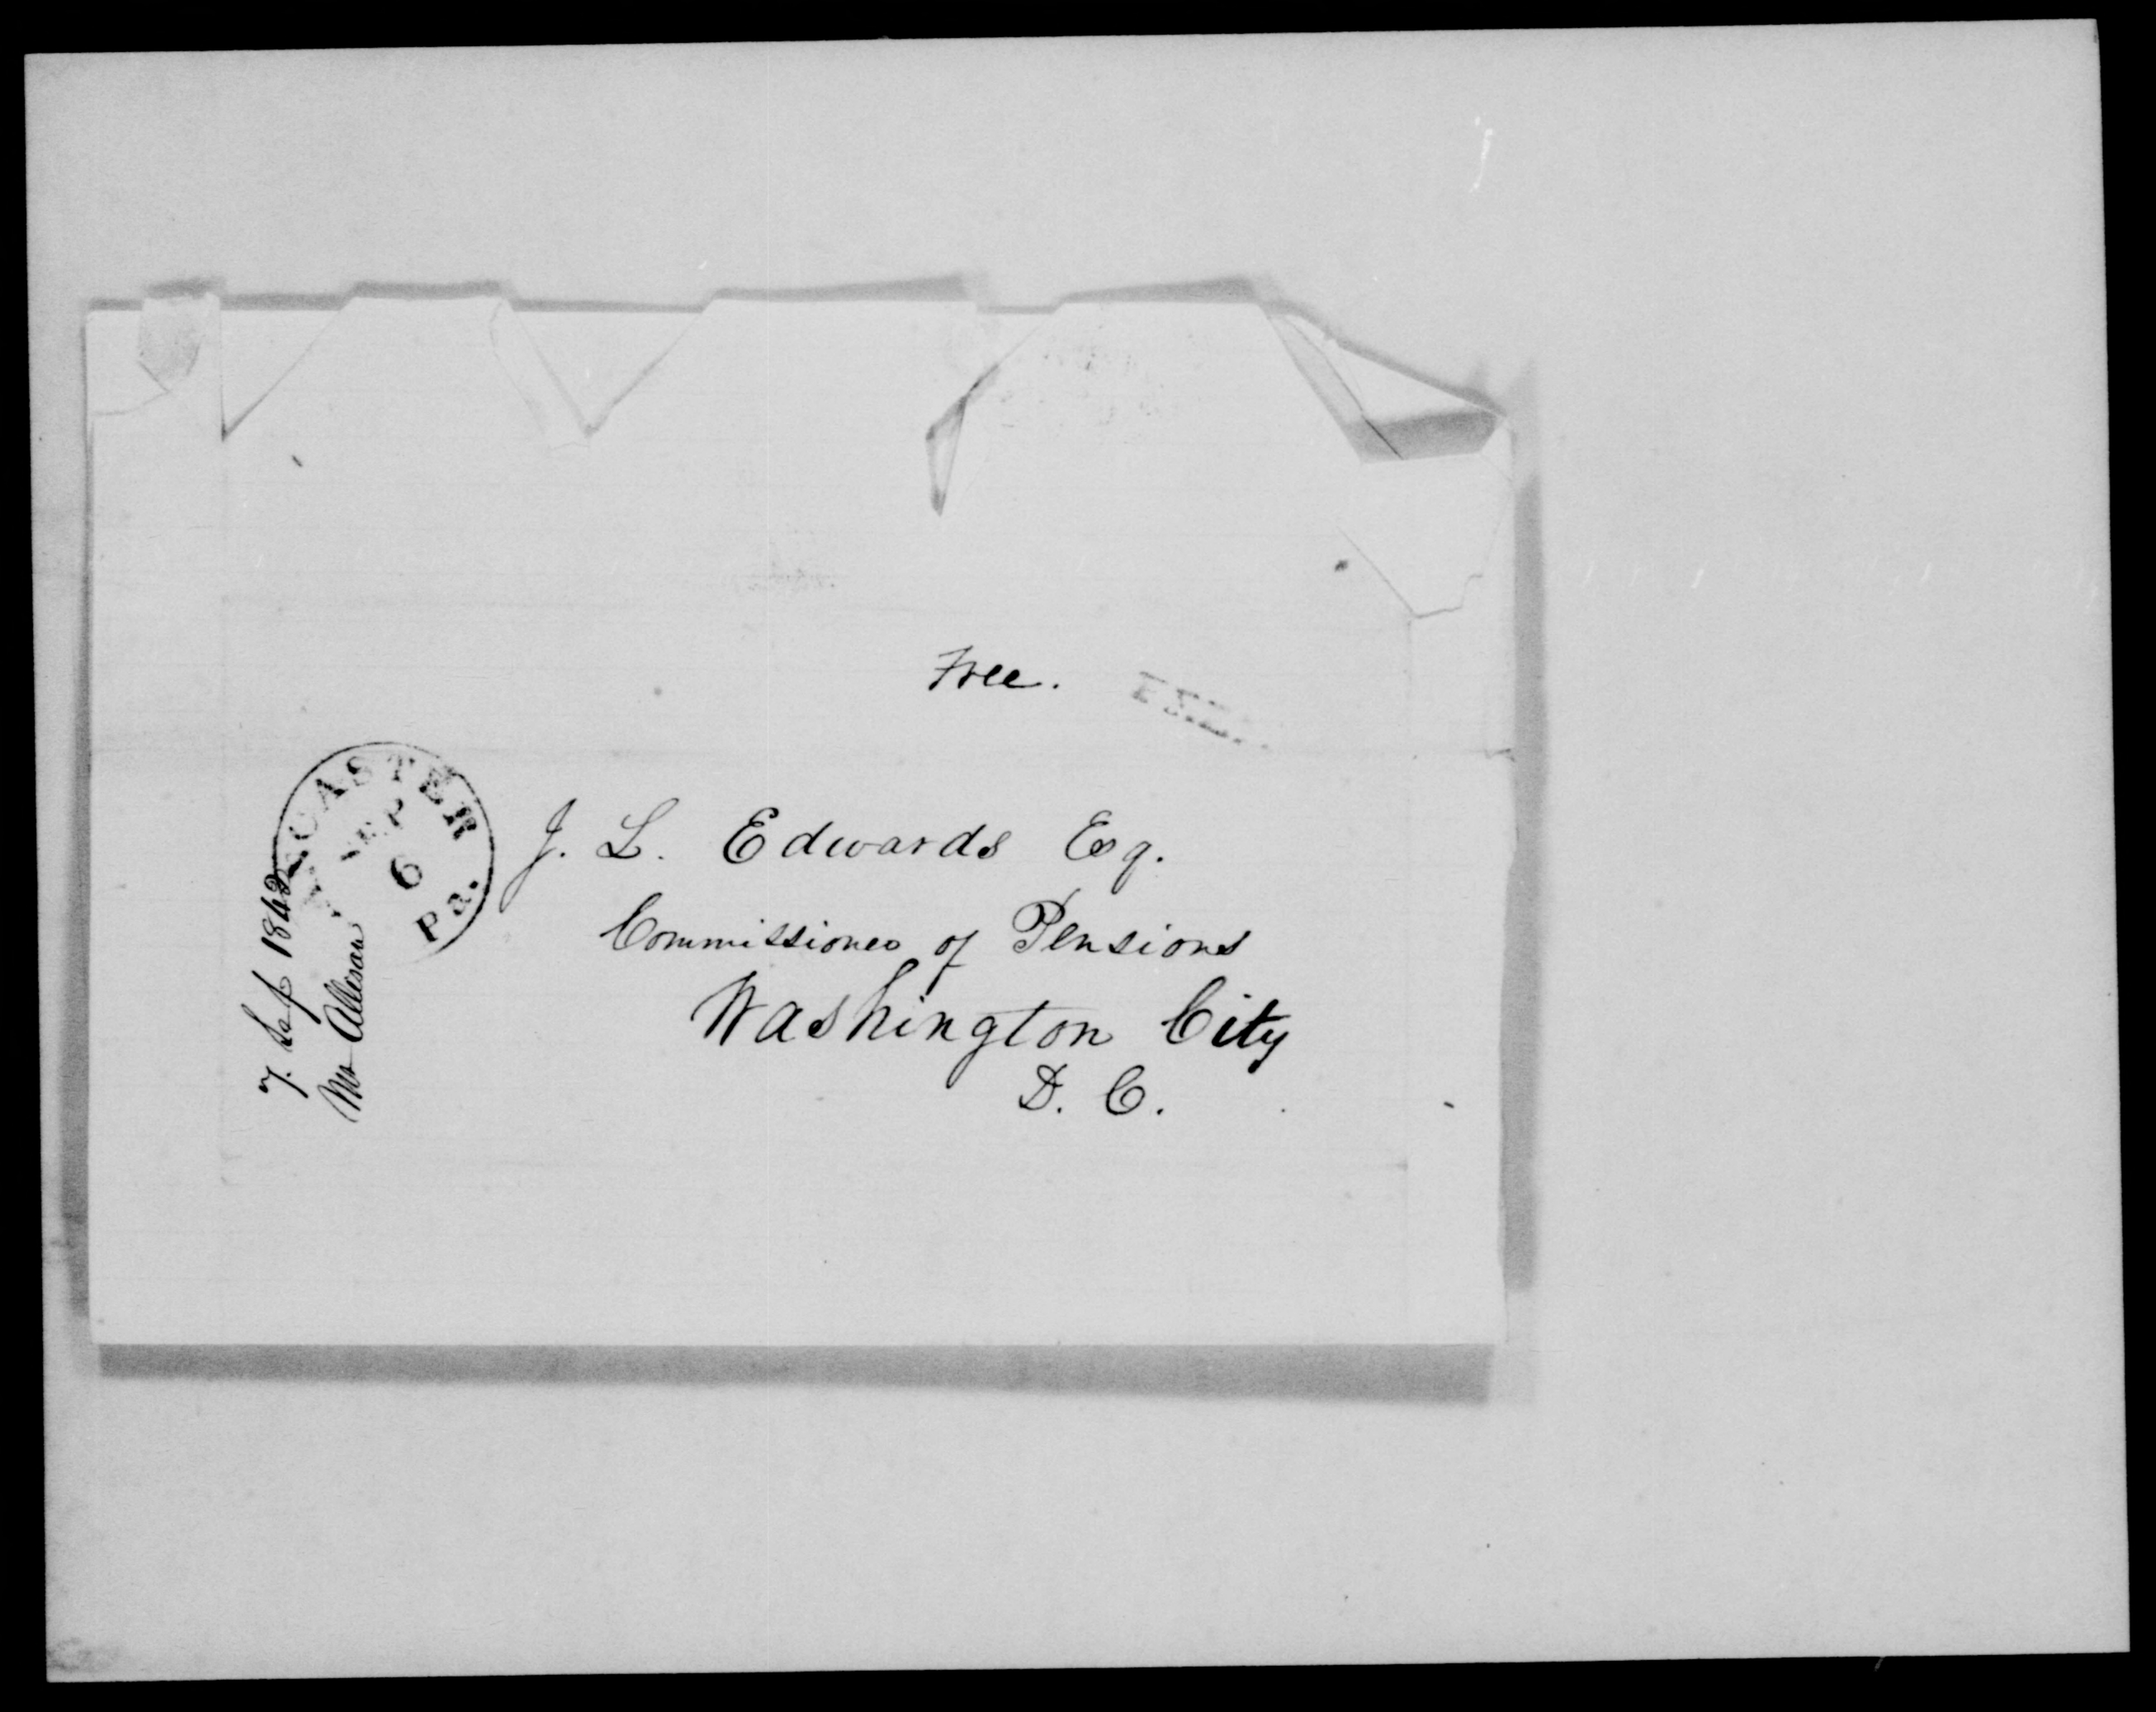Free  
[Stamped {FREE]}

[Stamped {LANCASTER PA. SEP 6

7. Sep 1842 
Mrs. Allison

J. L. Edwards Esq.
Commissioner of Pensions
Washington City
D. C.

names: Allison, J L Edwards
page: 9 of 68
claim: survivor's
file: S. 6,358, George Wentling, Penn.